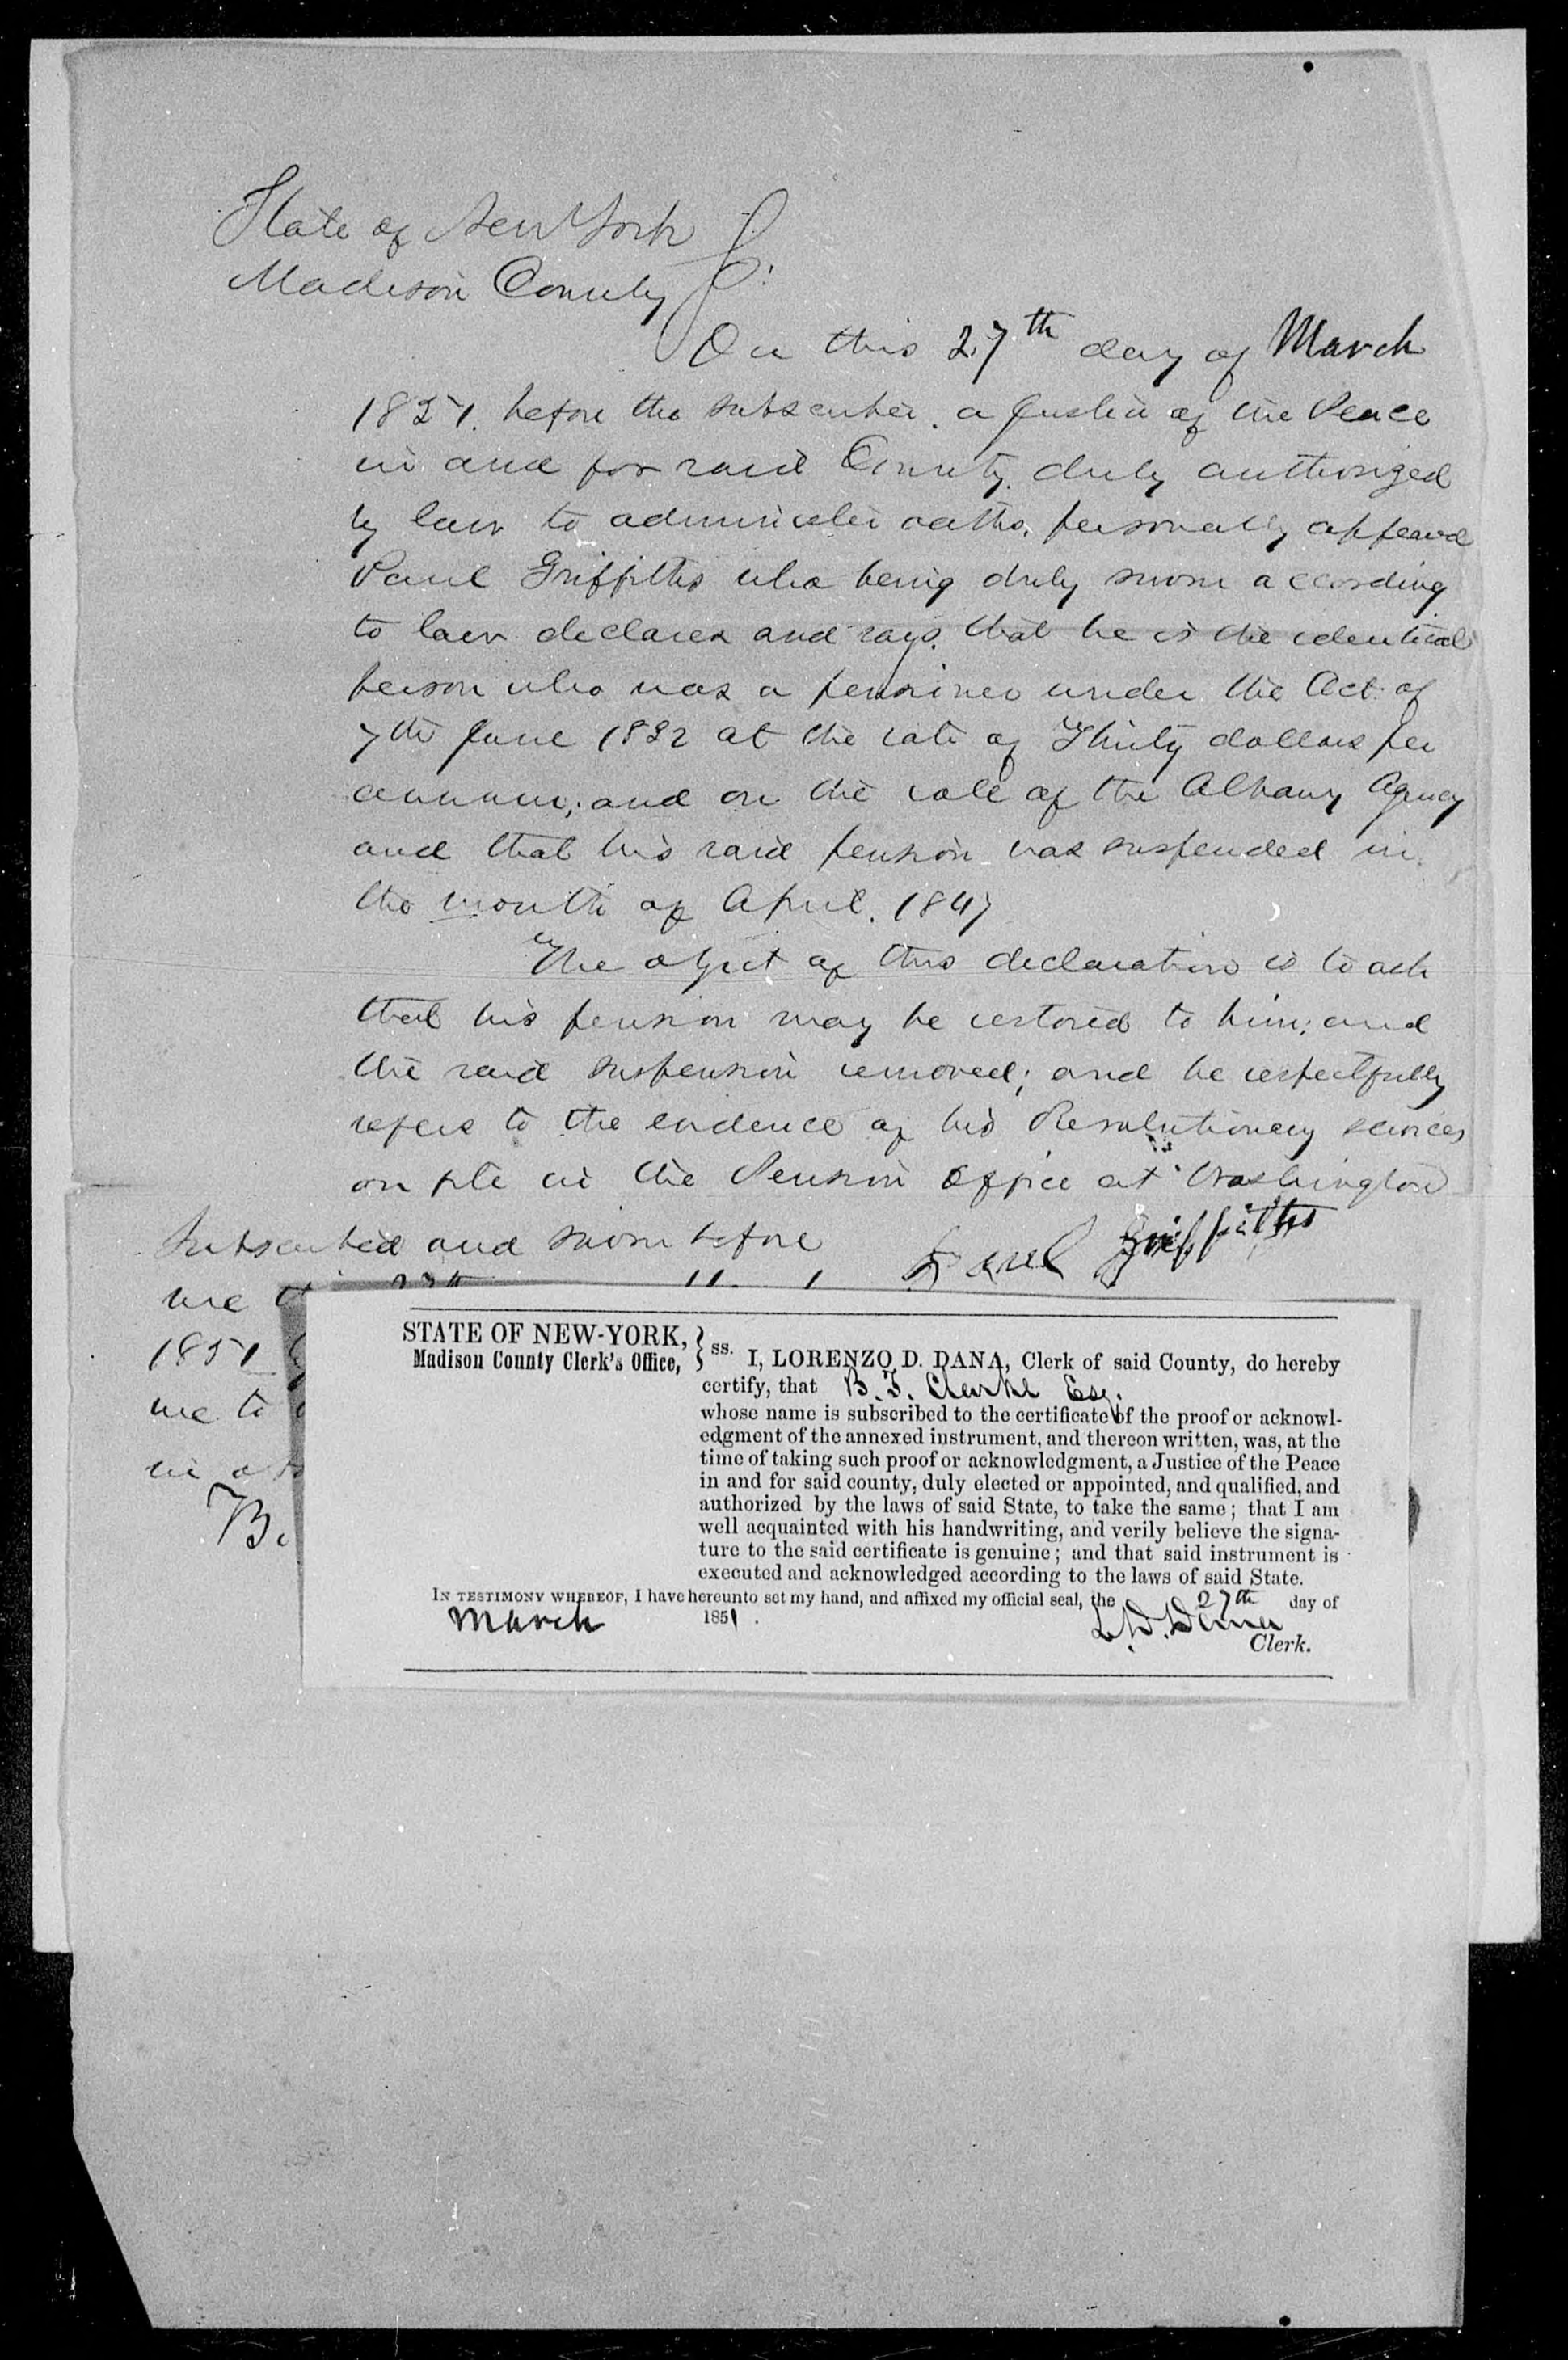State of New York Madison County SS. On this 27th day of March 1851 before the subscriber, a Justice of the Peace in and for said County duly authorized by law to administer oaths, personally appeared Paul Griffiths who being duly sworn according to law declares and says that he is the identical person who was a pensioner under the Act of 7th June 1832 at the rate of Thirty dollars per annum; and on the roll of the Albany Agency and that his said pension was suspended in the month of April 1847. The object of this declaration is to ask that his pension may be restored to him; and the said suspension removed; and he respectfully refers to the evidence of [illegible] Revolutionary [illegible] on file in the Pension office at Washington. Paul Griffiths Subscribed and sworn before me 1851 me to in a Bo. 
STATE OF NEW-YORK, Madison County Clerk's Office, SS. I, Lorenzo D. Dana, Clerk of said County do hereby certify, that B. T. Clarke Esq. whose name is subscribed to the certificate of the proof or acknowledgment of the annexed instrument, and thereon written, was, at the time of taking such proof or acknowledgment, a Justice of the Peace in and for said county, duly elected or appointed, and qualified, and authorized by the laws of said State, to take the same; that I am well acquainted with his handwriting, and verily believe the signature to the said certificate is genuine; and that said instrument is executed and acknowledged according to the laws of said State. IN TESTIMONY WHEREOF, I have hereunto set my hand, and affixed my official seal, the 27th day of March 1851. L. D. Dana Clerk.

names: Paul Griffiths, B T Clarke, Lorenzo D Dana, L D Dana, Paul Griffiths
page: 40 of 61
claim: survivor's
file: S. 22798, Paul Griffiths, R.I.